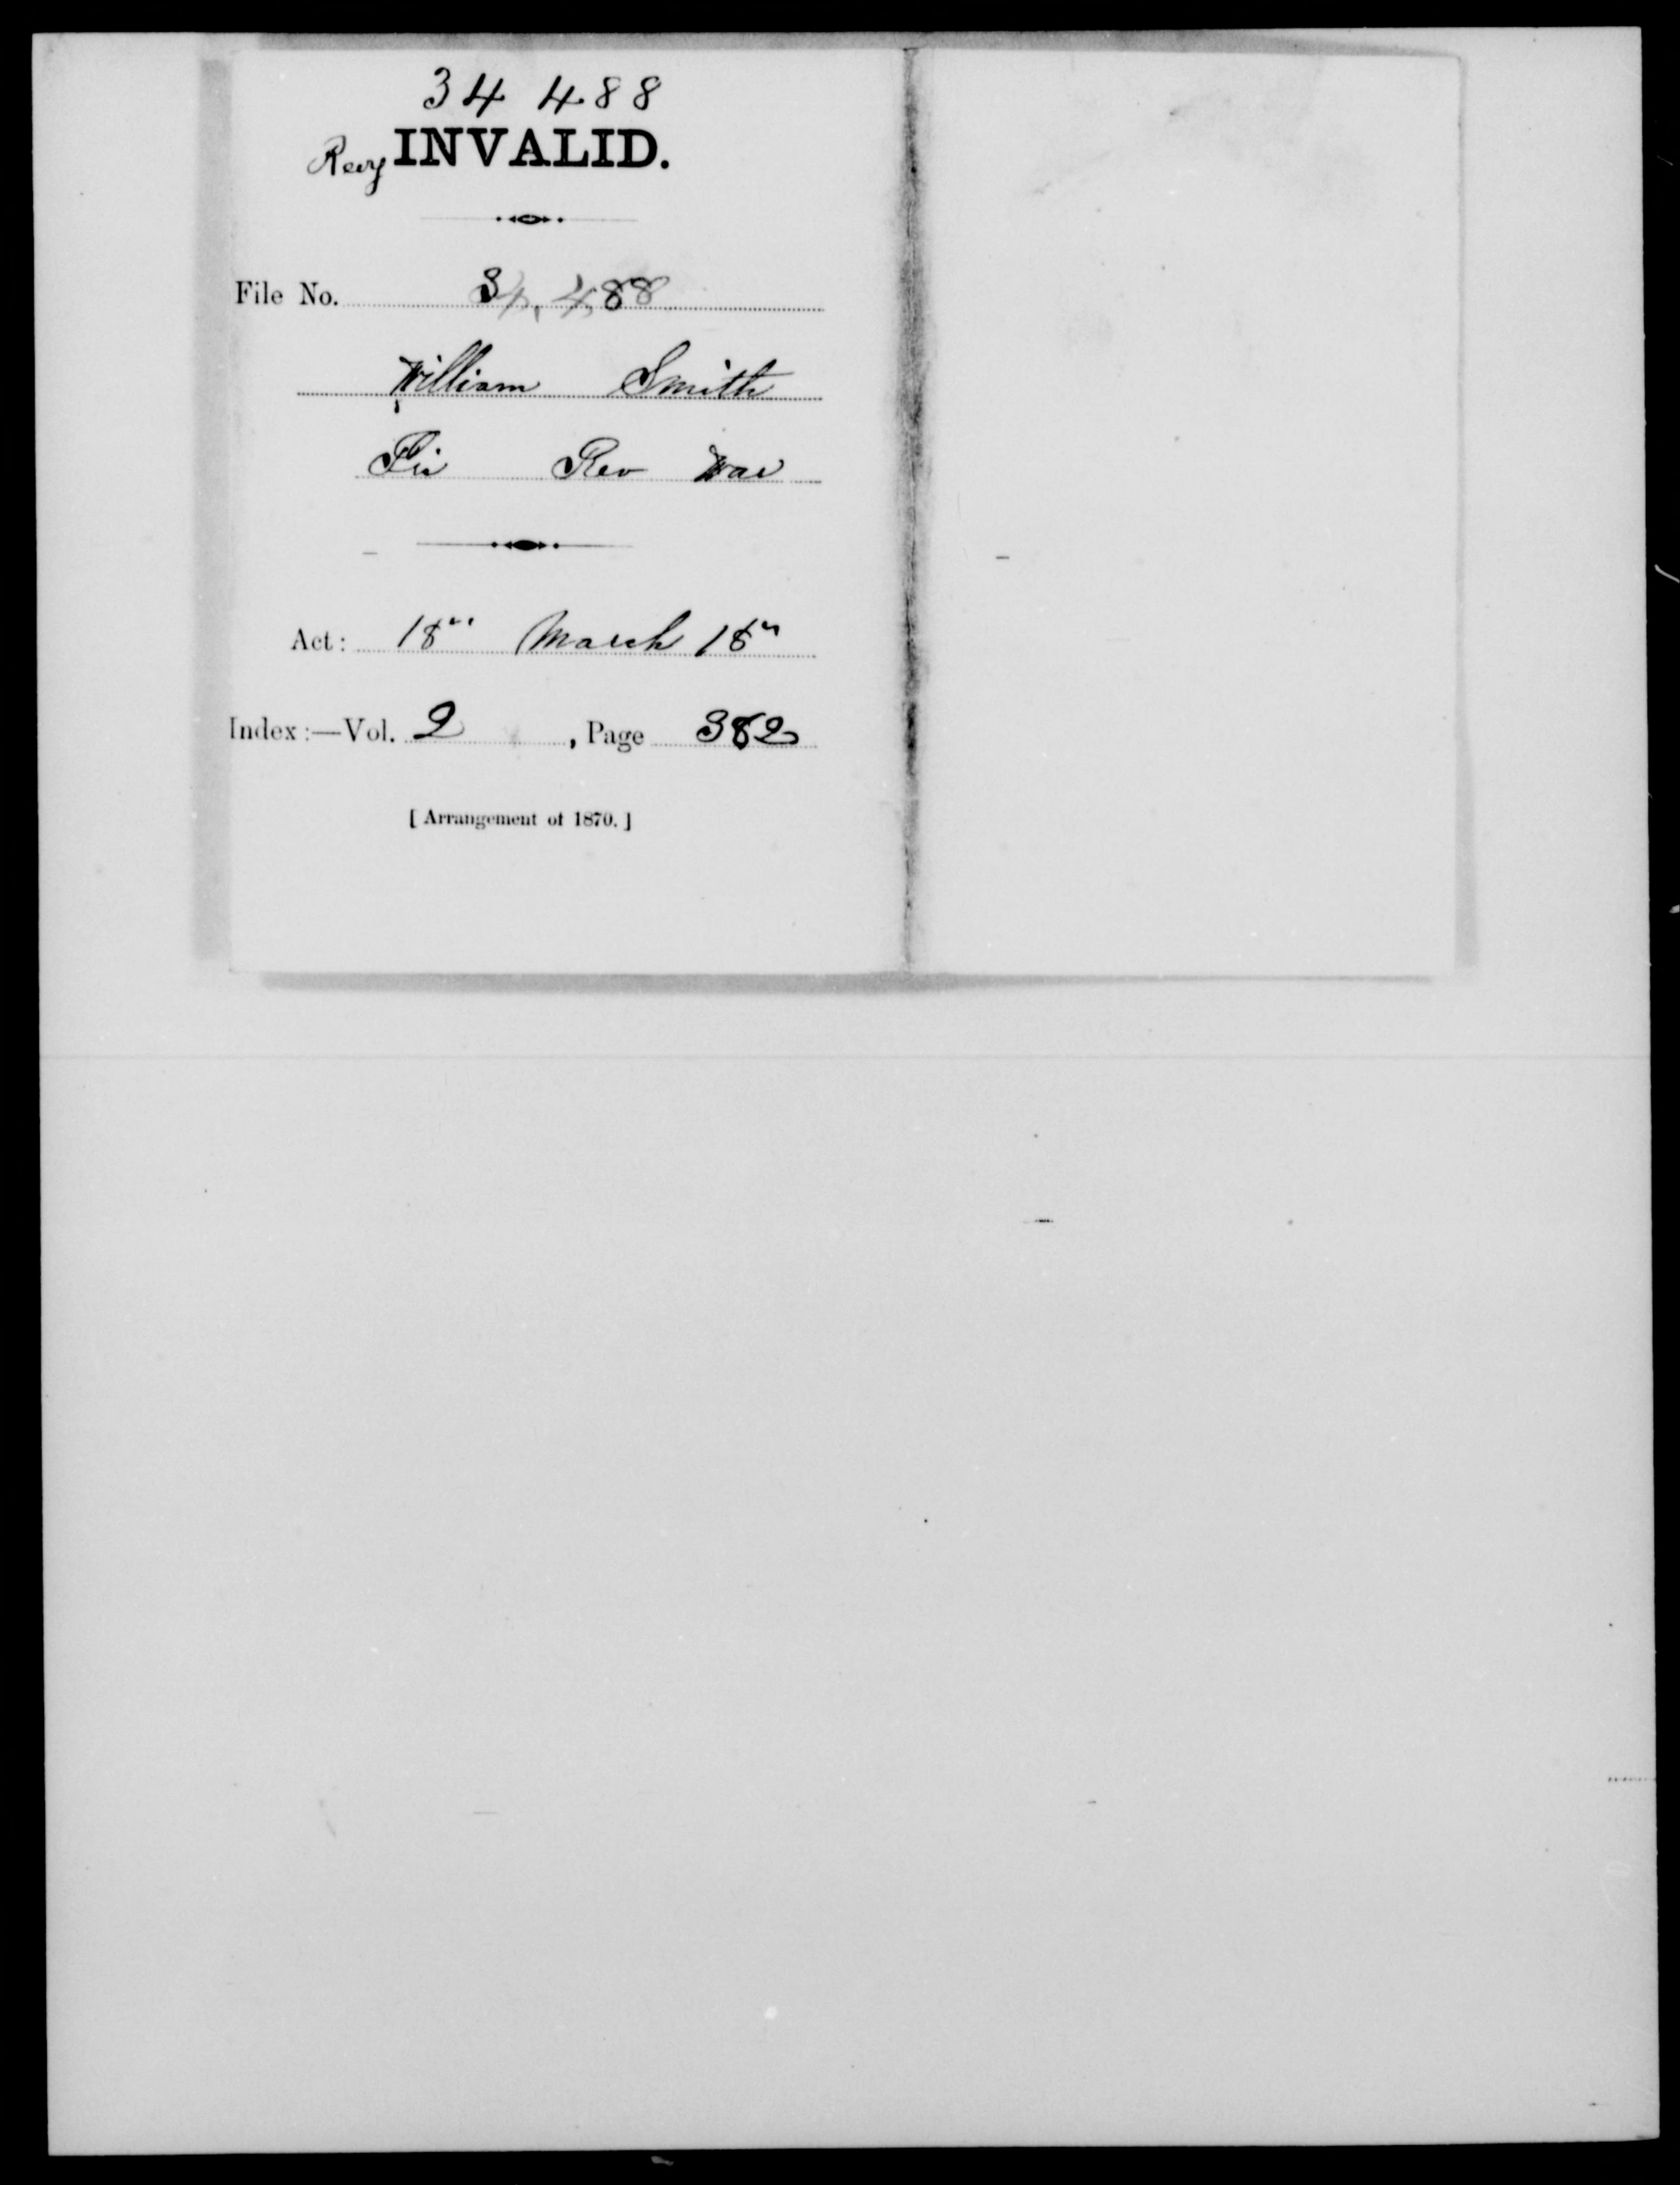34488 Revy INVALID. 
File No. 34 , 488 
William Smith 
Pri Rev War 
Act: 18 March 18 
Index: - Vol. 2, Page 382 
{Arrangement of 1870.}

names: William Smith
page: 2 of 2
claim: survivor's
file: S. 34488, for Wm Smith, Massachusetts